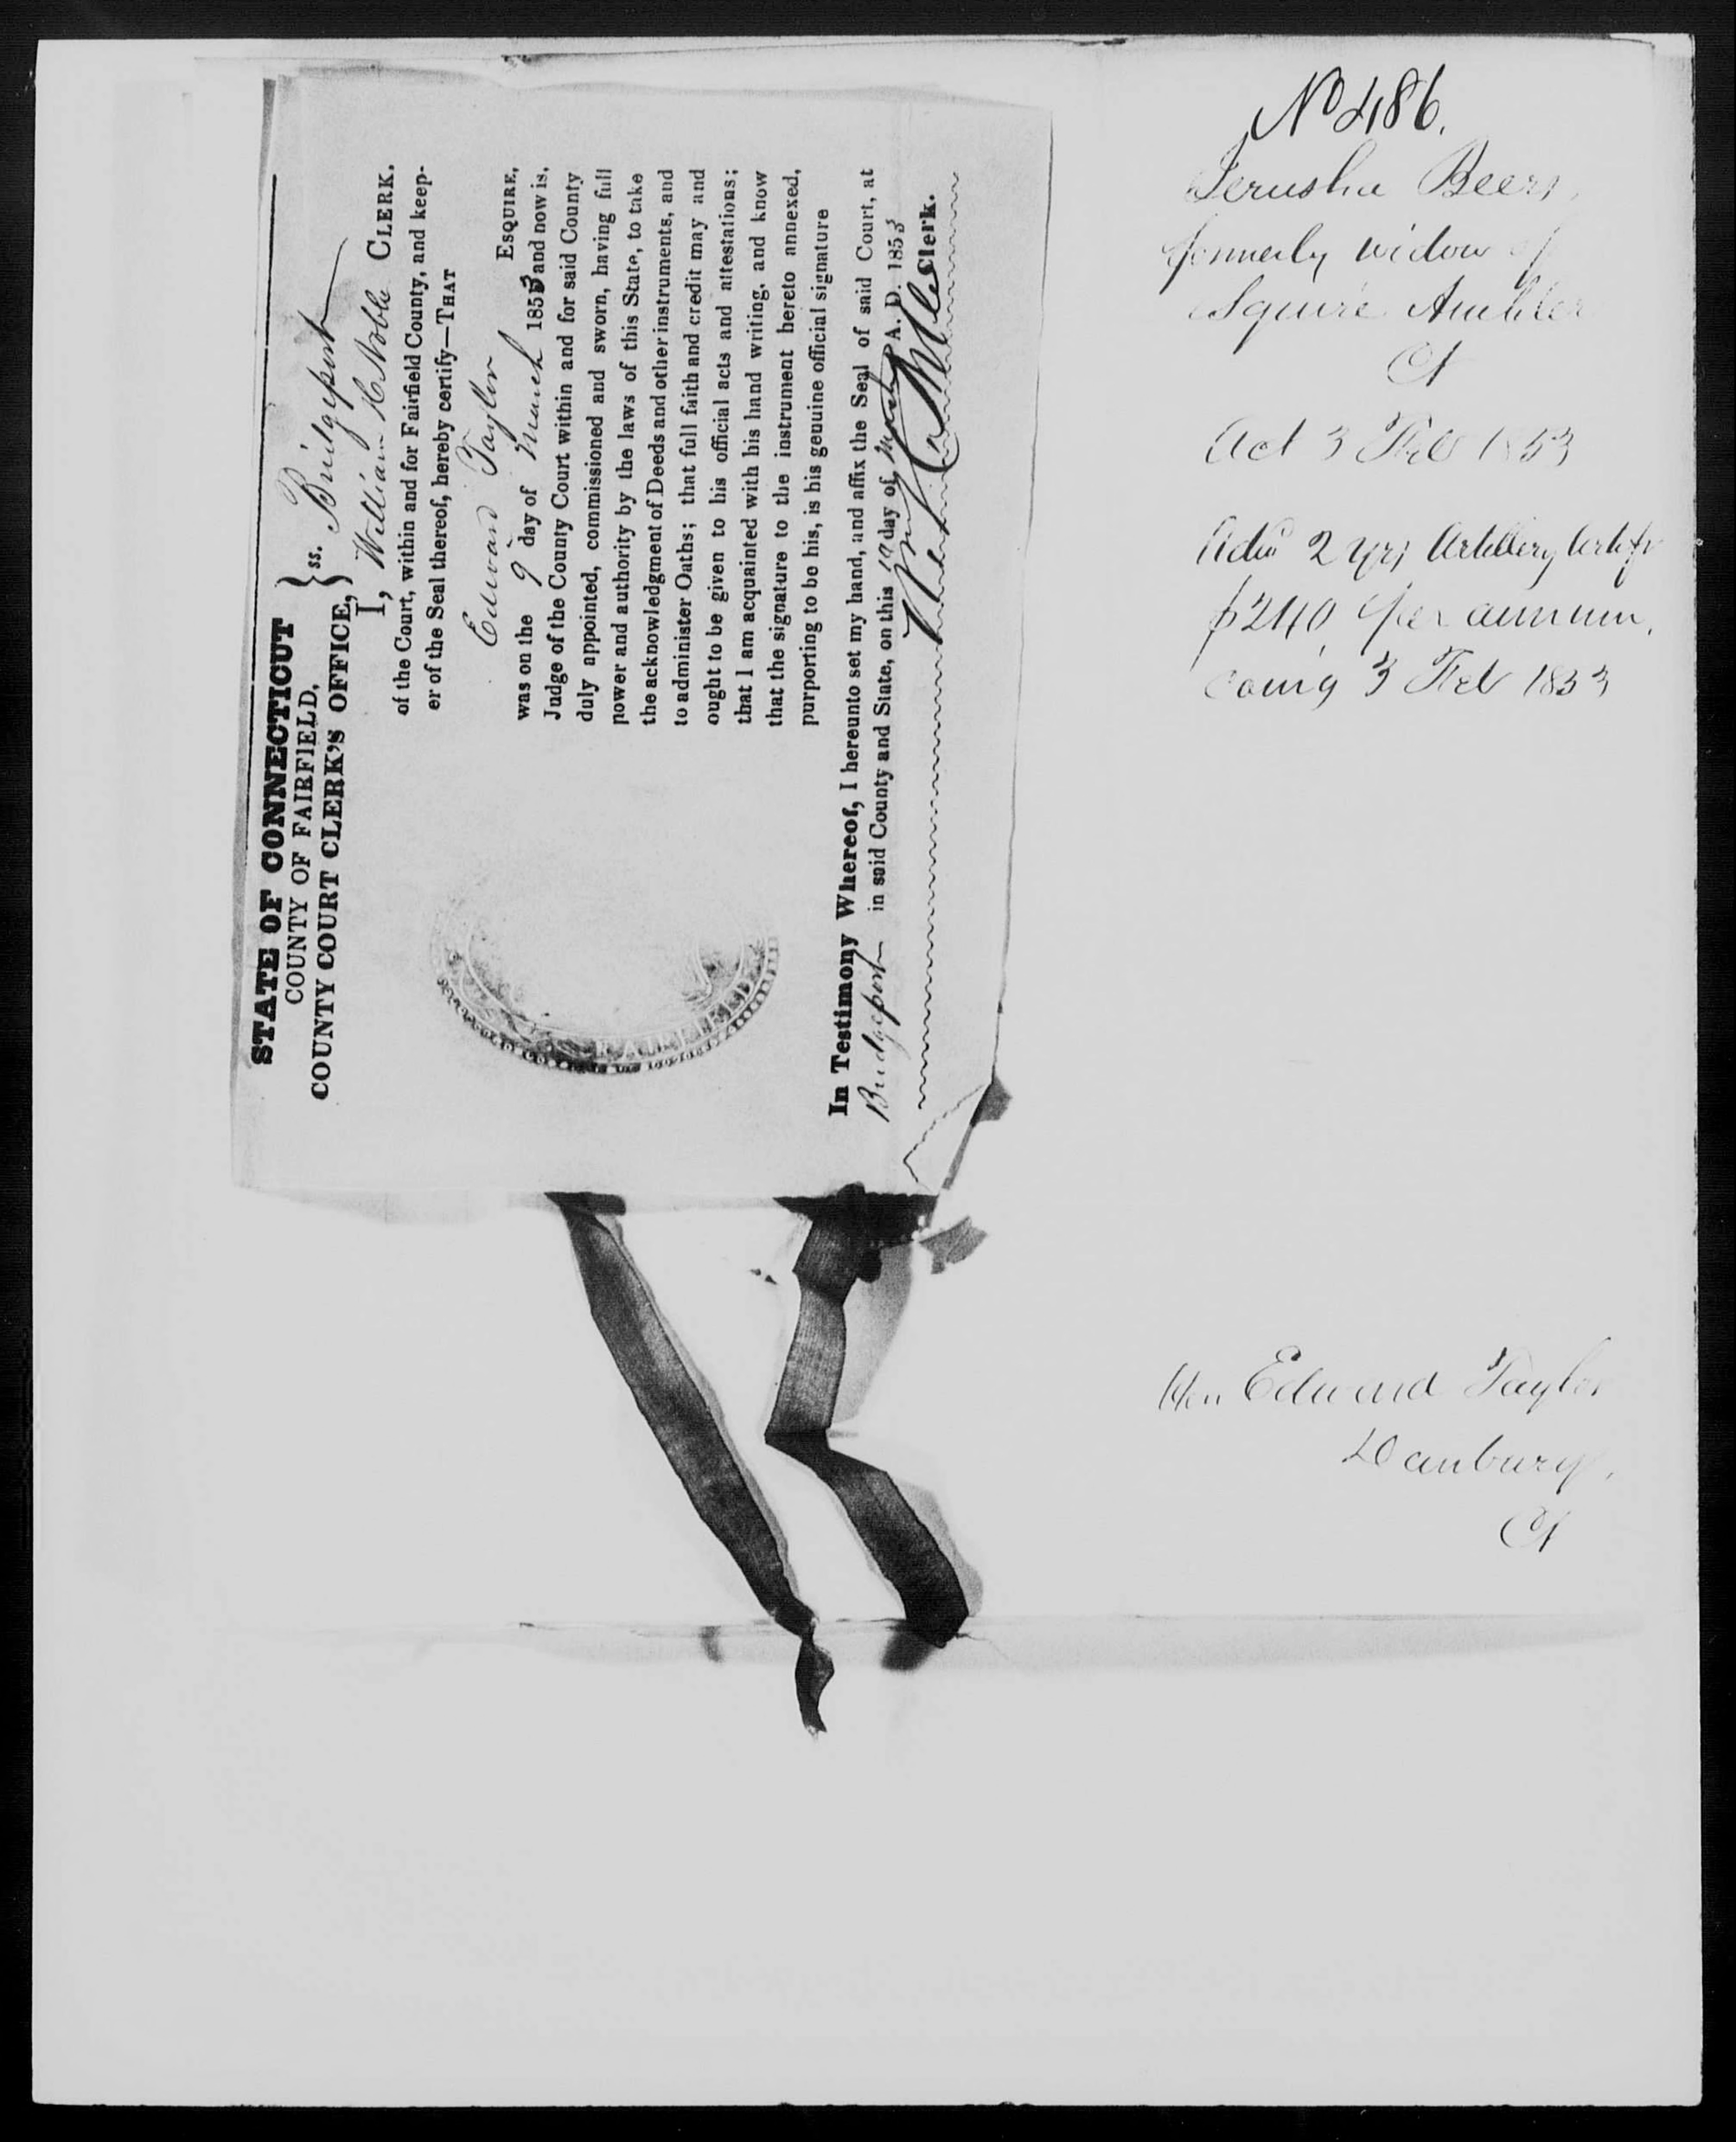[Sideways document with seal]
STATE OF CONNECTICUT
County of Fairfield
County Court Clerk's OFFICE} ss. Bridgeport
I, William H Noble Clerk. of the Court, within and for Fairfield County, and keeper of the Seal thereof, hereby certify--That
Edward Taylor Esquire,
was on the 9 day of March 1853 and now is, Judge of the County Court within and for said County duly appointed, commissioned and sworn, having full power and authority by the laws of this State, to take the acknowledgement of Deeds and other instruments, and to administer Oaths; that full faith and credit may and ought to be given to his official acts and attestations; that the signature to the instrument hereto annexed, purporting to be his, is his genuine official signature.

In testimony whereof, I hereunto set my hand, and affix the Seal of said Court, at Bridgeport in said County and State, on this 14 day of March A.D. 1853 
W. H. Noble Clerk.

[handwritten note]
No 2186. 
Jerusha Beers
Formerly widow of Squire Ambler of Act 3 Feb 1853
[Adm?] 2 yrs Artillery Artificer $240 per annum Com'g 3 Feb 1833 
Hon Edward Taylor Danbury, CT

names: Edward Taylor, Edward Taylor, Squire Ambler, Jerusha Beers, Wm H Artle, William H Noble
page: 15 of 39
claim: widow's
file: W. 2,056, Squire Ambler, Continental (Sol. Res. In N.Y. & Conn.)